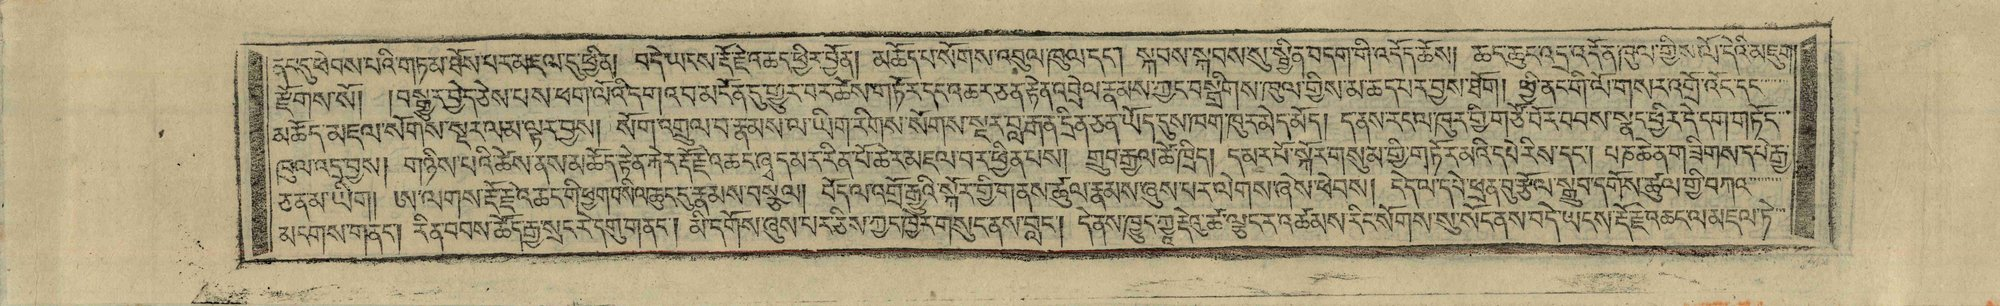ནང་དུ་ཕེབས་པའི་གཏམ་ཐོས་པར་མཇལ་དུ་ཕྱིན། བདེ་ཡངས་རྡོ་རྗེ་འཆང་ཕྱིར་བྱོན། མཆོད་པ་སོགས་འབུལ་ཁུལ་དང་། སྐབས་སྐབས་སུ་སྦྱིན་བདག་གི་འདོད་ཆོས། ཆང་ཆུང་འདྲ་འདོན་ཁུལ་གྱིས་ལོ་དེའི་མཇུག་
རྫོགས་སོ། །བསྒྱུར་བྱེད་ཅེས་པས་ཕག་ལོའི་དགའ་བ་མངོན་དུ་གྱུར་བར་ཆོས་གཏོར་དང་འཆར་ཅན་རྟེན་འབྲེལ་རྣམས་ཀྱང་བསྒྲིགས་ཁུལ་གྱིས་མ་ཆད་པར་བྱས་ཐོག །ཕྱི་ནང་གི་ལོ་གསར་འགྲོ་འོང་དང་
མཆོད་མཇལ་སོགས་སྔར་ལམ་ལྟར་བྱས། སོག་འགྲུལ་བ་རྣམས་ལ་ཡིག་རིགས་སོགས་སྔར་བླ་རྒན་དྲིན་ཅན་ཡོད་དུས་ཁག་ཁུར་མེད་མོད། ད་ནས་རང་ལ་ཁུར་གྱི་གཙོ་བོར་བབས་སྣང་ཕྱིར་དེ་དག་གཏོང་
ཁུལ་འདྲ་བྱས། གཉིས་པའི་ཚེས་ནས་མཆོད་རྟེན་རྐེར་རྡོ་རྗེ་འཆང་ཞྭ་དམར་རིན་པོ་ཆེར་མཇལ་བར་ཕྱིན་པས། གྲུབ་རྒྱལ་ཚེ་ཁྲིད། དམར་པོ་སྐོར་གསུམ་གྱི་གཏོར་མའི་དཔེ་རིས་དང་། པཎ་ཆེན་གཟིགས་དཔེ་རྒྱ་
ཅན་མ་ཡིག །ཨ་ལགས་རྡོ་རྗེ་འཆང་གི་ཕྱག་བསིལ་ཆུང་ངུ་རྣམས་བསྩལ། བོད་ལ་འགྲོ་རྒྱུའི་སྐོར་གྱི་གནས་ཚུལ་རྣམས་ཞུས་པར་ལེགས་ཞེས་ཕེབས། ངེད་ལ་དཔེ་ཕྲན་བུ་རྩོལ་སྒྲུབ་དགོས་ཚུལ་གྱི་བཀའ་
མངགས་གནང་། རིན་བབས་ཚོད་རྒྱ་སྲང་རེ་དགུ་གནང་། མི་དགོས་ཞུས་པར་ཅིས་ཀྱང་ཁྱེར་གསུང་ནས་བླང་། དེ་ནས་ཁྱུང་ཀྱཱ་རྡེའུ་ཚ་ལྕང་ར་འཚམས་རིང་སོགས་སུ་སོང་ནས་བདེ་ཡངས་རྡོ་རྗེ་འཆང་ལ་མཇལ་ཏེ་